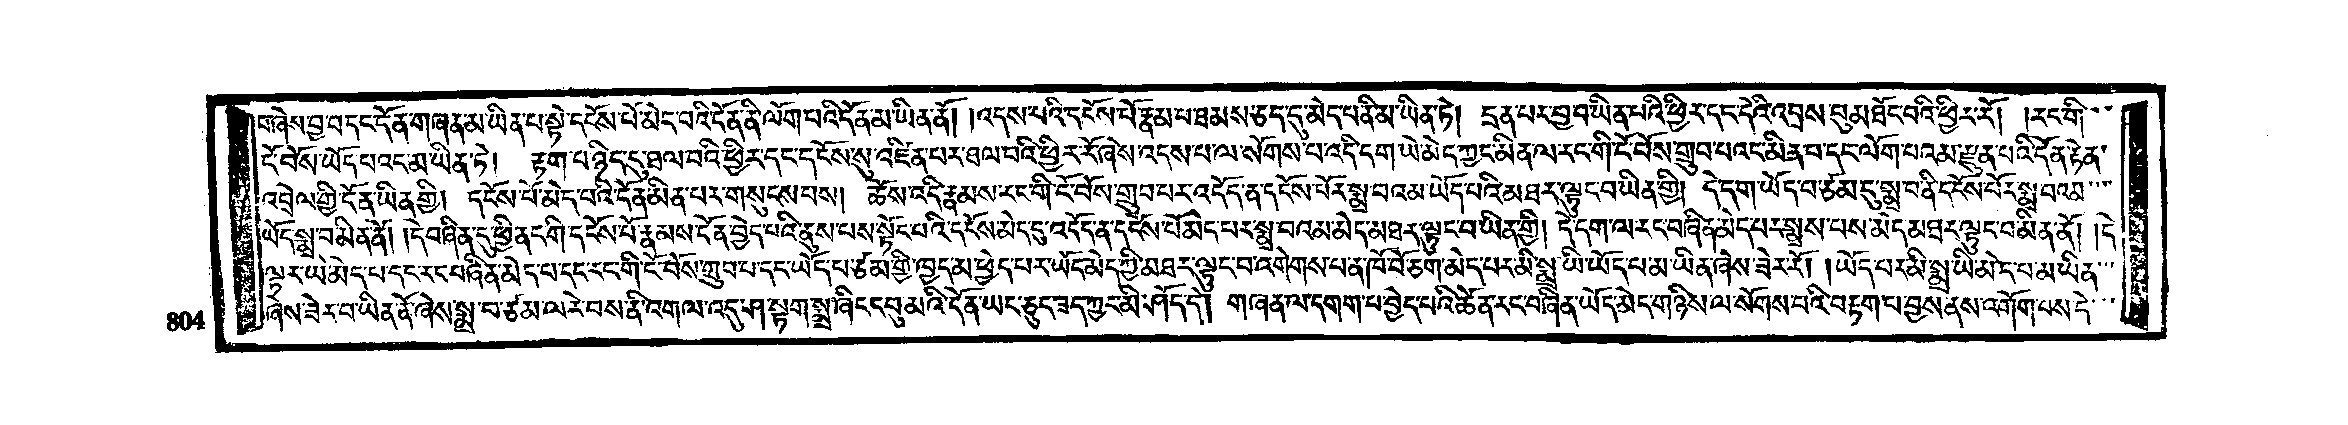བ་ཞེས་བྱ་བ་དང་དོན་གཞན་མ་ཡིན་པ་སྟེ་དངོས་པོ་མེད་པའི་དོན་ནི་ལོག་པའི་དོན་མ་ཡིན་ནོ། །འདས་པའི་དངོས་པོ་རྣམ་པ་ཐམས་ཅད་དུ་མེད་པ་ནི་མ་ཡིན་ཏེ། དྲན་པར་བྱ་བ་ཡིན་པའི་ཕྱིར་དང་དེའི་འབྲས་བུ་མཐོང་བའི་ཕྱིར་རོ། །རང་གི་
ངོ་བོས་ཡོད་པའང་མ་ཡིན་ཏེ། རྟག་པ་ཉིད་དུ་ཐལ་བའི་ཕྱིར་དང་དངོས་སུ་འཛིན་པར་ཐལ་བའི་ཕྱིར་རོ་ཞེས་འདས་པ་ལ་སོགས་པ་འདི་དག་ཡེ་མེད་ཀྱང་མིན་ལ་རང་གི་ངོ་བོས་གྲུབ་པའང་མིན་པ་དང་ལོག་པའམ་རྫུན་པའི་དོན་རྟེན་
འབྲེལ་གྱི་དོན་ཡིན་གྱི། དངོས་པོ་མེད་པའི་དོན་མིན་པར་གསུངས་པས། ཆོས་འདི་རྣམས་རང་གི་ངོ་བོས་གྲུབ་པར་འདོད་ན་དངོས་པོར་སྨྲ་བའམ་ཡོད་པའི་མཐར་ལྟུང་བ་ཡིན་གྱི། དེ་དག་ཡོད་པ་ཙམ་དུ་སྨྲ་བ་ནི་དངོས་པོར་སྨྲ་བའམ་
ཡོད་སྨྲ་བ་མིན་ནོ། །དེ་བཞིན་དུ་ཕྱི་ནང་གི་དངོས་པོ་རྣམས་དོན་བྱེད་པའི་ནུས་པས་སྟོང་པའི་དངོས་མེད་དུ་འདོད་ན་དངོས་པོ་མེད་པར་སྨྲ་བའམ་མེད་མཐར་ལྟུང་བ་ཡིན་གྱི། དེ་དག་ལ་རང་བཞིན་མེད་པར་སྨྲས་པས་མེད་མཐར་ལྟུང་བ་མིན་ནོ། །དེ་
ལྟར་ཡེ་མེད་པ་དང་རང་བཞིན་མེད་པ་དང་རང་གི་ངོ་བོས་གྲུབ་པ་དང་ཡོད་པ་ཙམ་གྱི་ཁྱད་མ་ཕྱེད་པར་ཡོད་མེད་ཀྱི་མཐར་ལྟུང་བ་འགེགས་པ་ན་ཁོ་བོ་ཅག་མེད་པར་མི་སྨྲ་ཡི་ཡོད་པ་མ་ཡིན་ཞེས་ཟེར་རོ། །ཡོད་པར་མི་སྨྲ་ཡི་མེད་པ་མ་ཡིན་
ཞེས་ཟེར་བ་ཡིན་ནོ་ཞེས་སྨྲ་བ་ཙམ་ལ་རེ་བས་ནི་འགལ་འདུ་ཤ་སྟག་སྨྲ་ཞིང་དབུ་མའི་དོན་ཡང་ཅུང་ཟད་ཀྱང་མི་ཤོད་དེ། གཞན་ལ་དགག་པ་བྱེད་པའི་ཚེན་རང་བཞིན་ཡོད་མེད་གཉིས་ལ་སོགས་པའི་བརྟག་པ་བྱས་ནས་འགོག་པས་དེ་